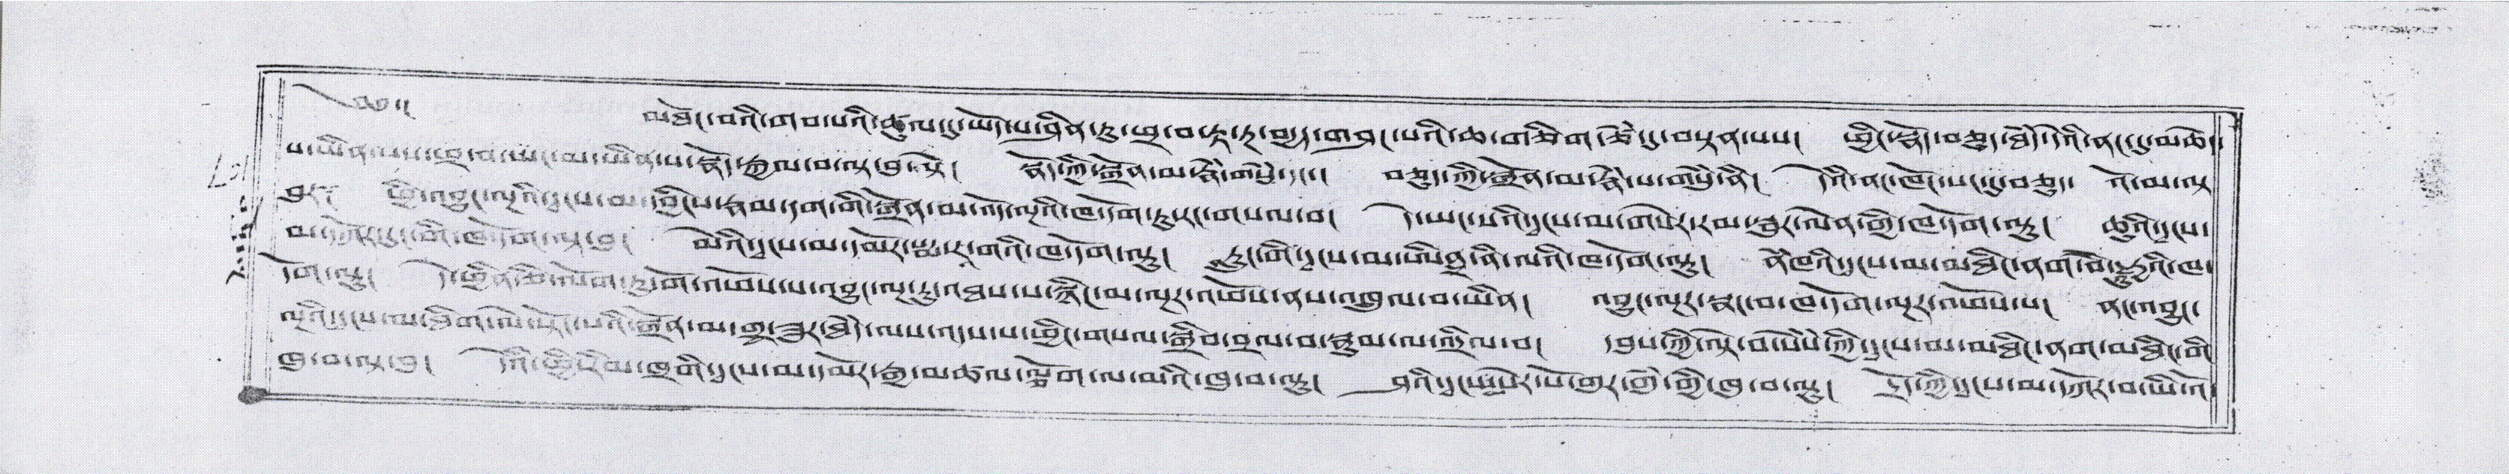མཐོང་བའི་གབ་པའི་ཚུལ་དུ་ཡོད་པ་ཤིན་ཏུ་ཕྲ་བ་རྟ་རྔ་བརྒྱད་གཤགས་པའི་ཆ་གཅིག་ཙམ་དུ་བསྟན་པས། ཕྱི་ནང་སྣོད་བཅུད་ཐམས་ཅད་དེའི་ནང་དུ་མཆེད་
པ་ཡིན་པས་ཕྲ་བ་ཡང་མ་ཡིན་པ་སྣོད་རྐྱལ་བ་ལྟ་བུ་སྟེ། སྣོད་ཀྱི་སྒྲོན་མ་རྣམ་གསུམ་དང། བཅུད་ཀྱི་སྒྲོན་མ་རྣམ་པ་གསུམ་ནི། དེའི་ནང་ཁོང་སང་དུ་བཅུད། འོ་མ་ལྟ་
བུ། ཕྱི་འབྱུང་ལྔའི་དྭངས་མ་དབྱིངས་རྣམ་དག་གི་སྒྲོན་མ་འོད་ལྔའི་ཁ་དོག་ཏུ་རང་གསལ་བ། དེ་ཡང་སའི་དྭངས་མ་གསེར་རམ་སྦུར་ལེན་གྱི་ཁ དོག་ལྟ་བུ། ཆུའི་དྭངས་
མ་དཀར་པོ་དུང་གི་ཁ་དོག་ལྟ་བུ། མེའི་དྭངས་མ་དམར་པོ་པདྨ་རཱ་གའི་ཁ དོག་ལྟ་བུ། རླུང་གི་དྭངས་མ་ཨིནྟྲ་ནི་ལའི་ཁ་དོག་ལྟ་བུ། ནམ་མཁའི་དྭངས་མ་མཐིང་ནག་བཻ་ཌུརྱའི་ཁ་
དོག་ལྟ་བུ། དེ་ཕྱིན་ཅི་ལོག་ཏུ་གོ་འཕོས་པ་འབྱུང་ལྔ་རུ་འཐས་པ་སྙིགས་མ་ལྔར་འཕོས་ནས་འཁྲུལ་བ་ཡིན། འབྱུང་ལྔར་སྣང་བ་ཁ་དོག་ལྔར་འཕོས་པ། ནང་འབྱུང་
ལྔའི་དྭངས་མ་ཐིག་ལེ་སྟོང་པའི་སྒྲོན་མ་གྲྭ་ཟུར་ཐམས་ཅད་ལས་འདས་པ་ཕྱི་ནང་གསལ་སྒྲིབ་བྲལ་བ་སྣུམ་ལ་འདྲིལ་བ། དབུས་ཀྱི་ལྟེ་བ་སེམས་ཀྱི་དྭངས་མ་མཐིང་ནག་མཐིང་གི་
ཁུ་བ་ལྟ་བུ། དེའི་ཕྱི་རིམ་ཁྲག་གི་དྭངས་མ་དམར་པོ་རྒྱ་མཚལ་ལྕོག་ལ་མའི་ཁུ་བ་ལྟ་བུ། ཤའི་དྭངས་མ་སེར་པོ་གུར་གུམ་གྱི་ཁུ་བ་ལྟ་བུ། དྲོད་ཀྱི་དྭངས་མ་དཀར་པོ་བ་ཡི་འོ་